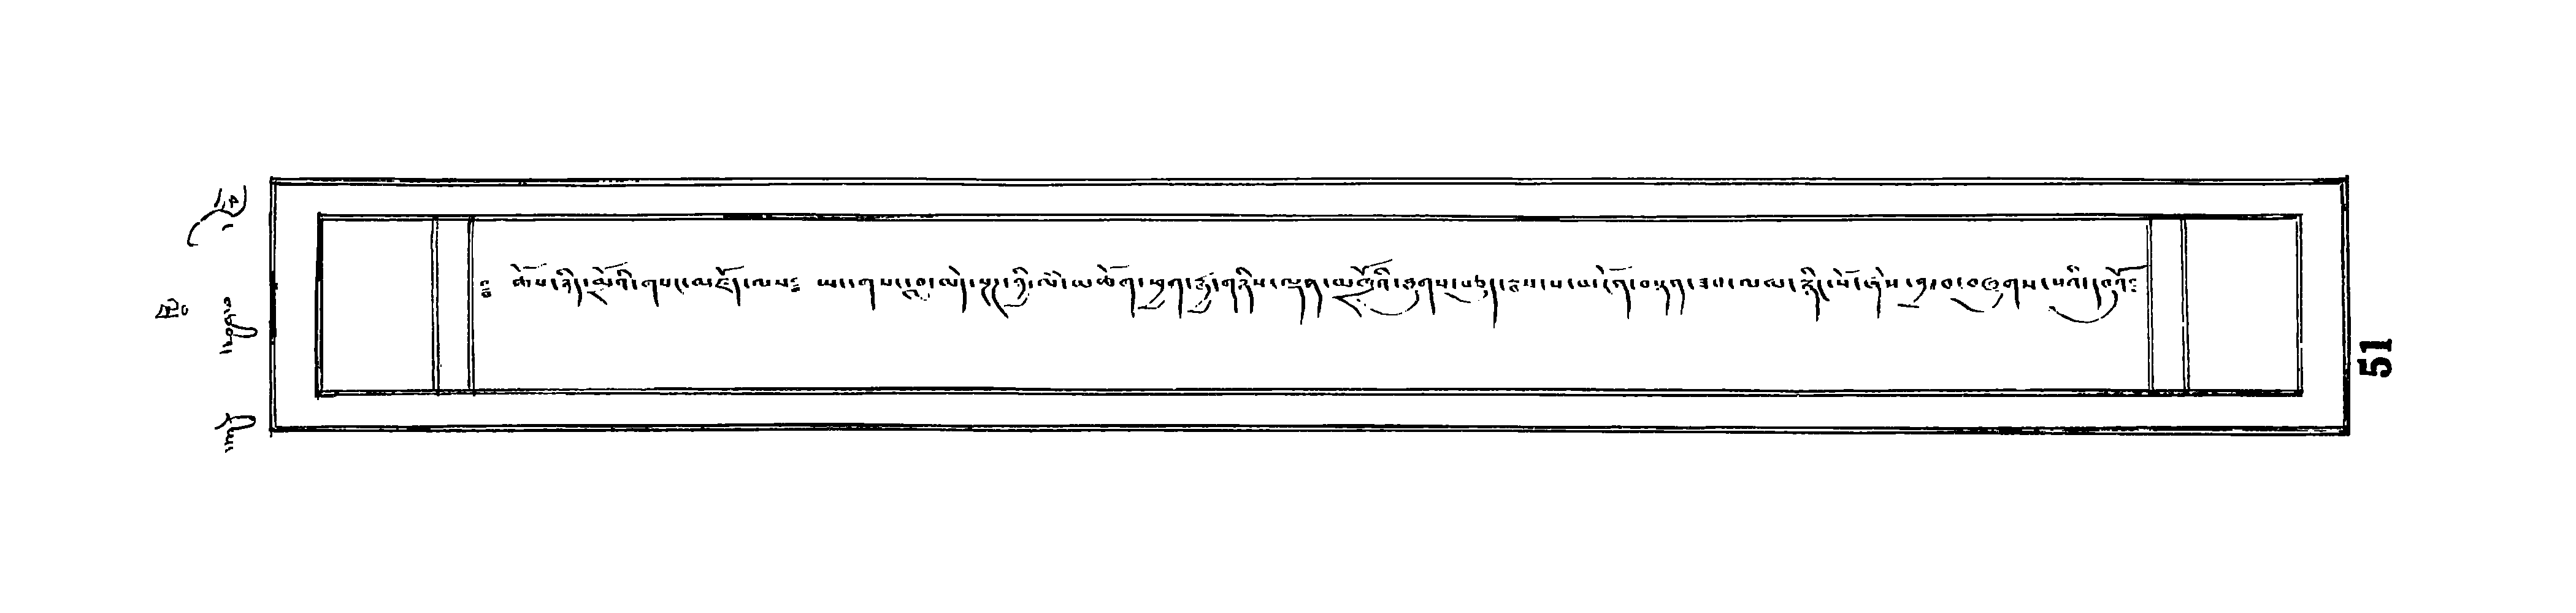ཆོས་ཉིད་མཁའ་འགྲོའི་གསང་མཛོད་ལས༔ ཡང་གསང་བླ་མེད་སྔགས་ཀྱི་ལམ་མཆོག་ཕྱག་རྒྱ་གཉིས་ལྡན་མཁའ་འགྲོའི་ཐུགས་བཅུད་སྦས་པ་མངོན་བསྟན་ཟབ་ལམ་སྙིང་པོ་ཞེས་བྱ་བ་བཞུགས་པའི་དབུའོ༔